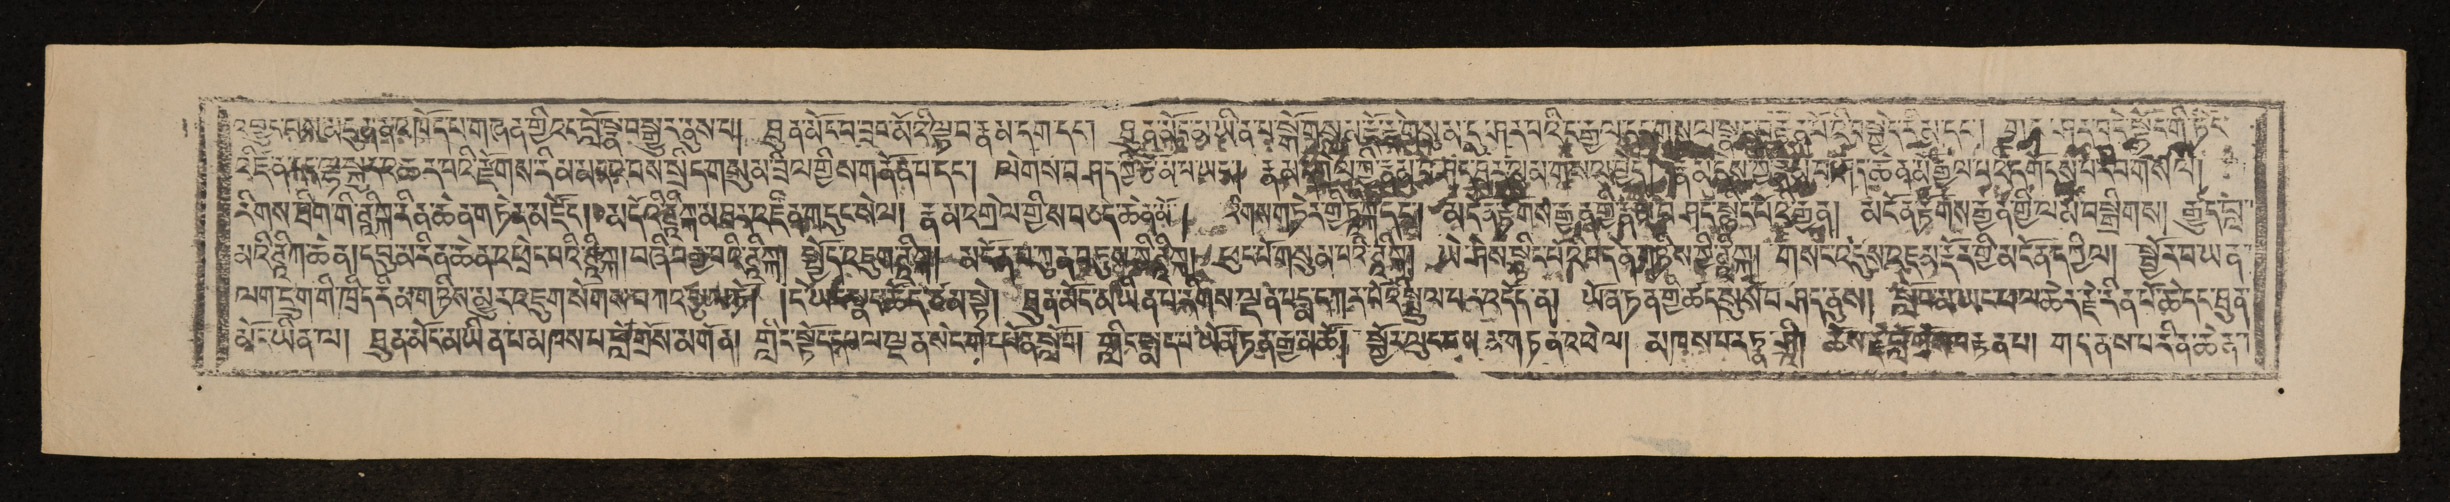འབྱུང་བས་མདུན་ན་འཁོད་པ་གཞན་གྱིའང་བློ་སྣ་བསྒྱུར་ནུས་པ། ཐུན་མོང་བ་ཟབ་མོའི་ལྟ་བ་རྣམ་དག་དང་། ཐུན་མོང་མ་ཡིན་པ་སྒོ་གསུམ་རྡོ་རྗེ་གསུམ་དུ་ཤར་བའི་ང་རྒྱལ་དང་གསལ་སྣང་བརྟན་པོའི་བསྐྱེད་རིམ་དང་། གང་ཤར་བདེ་སྟོང་གི་ཏིང་
འཛིན་དང་ལྷ་སྐུར་འཆར་བའི་རྫོགས་རིམ་མངའ་བས་སྲིད་གསུམ་ཟིལ་གྱིས་གནོན་པ་དང་། ལེགས་བཤད་ཀྱི་རྩོམ་པ་ཡང་། རྣམ་འགྲེལ་གྱི་རྣམ་བཤད་ཐར་ལམ་གསལ་བྱེད། རྣམ་ངེས་ཀྱི་རྣམ་བཤད་ཆེན་མོ་རྒྱལ་བའི་དགོངས་བ་རབ་གསལ།
རིགས་ཐིག་གི་ཊཱིཀྐ་རིན་ཆེན་གཏེར་མཛོད། མདོའི་ཊཱིཀྐ་མཐར་འཛིན་གདུང་སེལ། རྣམ་འགྲེལ་གྱིས་བཅད་ཆེན་མོ། རིགས་གཏེར་གྱི་ཊཱིཀྐ་དང་། མངོན་རྟོགས་རྒྱན་གྱི་རྣམ་བཤད་སྙིང་པོའི་རྒྱན། མངོན་རྟོགས་རྒྱན་གྱི་ལམ་བསྒྲིགས། རྒྱུད་བླ་
མའི་ཊཱིཀ་ཆེན། དབུ་མ་རིན་ཆེན་འཕྲེང་བའི་ཊཱིཀྐ། བཞི་བརྒྱ་པའི་ཊཱིཀྐ། སྤྱོད་འཇུག་ཊཱིཀྐ། མངོན་པ་ཀུན་བཏུས་ཀྱི་ཊཱིཀྐ། ཕུང་པོ་གསུམ་པའི་ཊཱིཀྐ། ཡེ་ཤེས་སྙིང་པོའི་བདེན་གཉིས་ཀྱི་ཊཱིཀྐ། གསང་འདུས་འཇམ་རྡོར་གྱི་མངོན་དཀྱིལ། སྦྱོར་བ་ཡན་
ལག་དྲུག་གི་ཁྲིད་རིམ་གཉིས་མྱུར་འཇུག་སོགས་བཀའ་སྩལ་ཏོ། །དེ་ཡང་སྣང་ཚོད་ཙམ་སྟེ། ཐུན་མོང་མ་ཡིན་པ་རིགས་ལྡན་པདམ་དཀར་པོའི་སྤྲུལ་པར་འདོད་ན། ཡོན་ཏན་གྱི་ཚད་སུས་བཤད་ནུས། སློབ་མ་ཡང་ཕལ་ཆེར་རྗེ་རིན་པོ་ཆེ་དང་ཐུན་
མོང་ཡིན་ལ། ཐུན་མོང་མ་ཡིན་པ་མཁས་བ་བློ་གྲོས་མགོན། གླིང་སྟོད་དཔལ་ལྡན་སེང་གེ་དཔོན་སློབ། གླིང་སྨད་པ་ཡོན་ཏན་རྒྱ་མཚོ། སྐྱོར་ལུང་བསམ་གཏན་འཕེལ། མཁས་པ་རཏྣ་ཤྲཱི། ཆོས་རྗེ་བློ་གྲོས་བརྟན་པ། གདན་ས་པ་རིན་ཆེན་